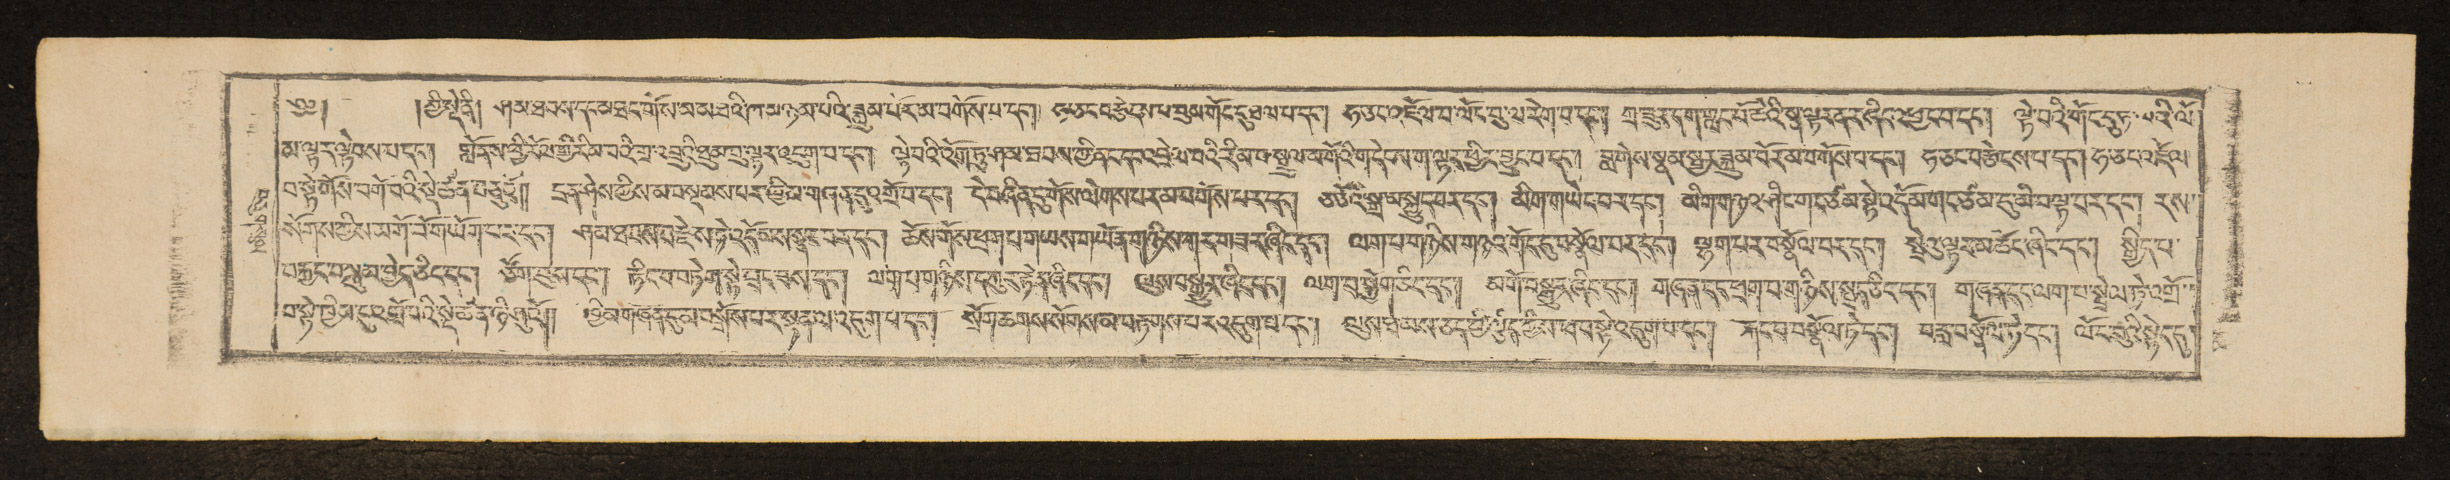༄༅། །ཀྱི་སྡེ་ནི། ཤམ་ཐབས་དང་མཐང་གོས་མ་མཐའི་ཁ་མཉམ་པའི་ཟླུམ་པོར་མ་བགོས་པ་དང་། ཧ་ཅང་བརྩེངས་པ་བུས་གོང་དུ་ཐལ་བ་དང་། ཧ་ཅང་འཇོལ་བ་ལོང་བུ་ལ་རེག་པ་དང་། གྲ་ཟུར་དག་གླང་པོ་ཆེའི་སྣ་ལྟར་ནར་ཞིང་འཕྱང་བ་དང་། ལྟེ་བའི་གོང་དུ་ཏ་ལའི་ལོ་
མ་ལྟར་ལྟེབས་པ་དང་། གློ་ནས་ཕྱི་རོལ་གྱི་རིམ་པའི་གྲ་འབྲུའི་ཐུམ་བུ་ལྟར་འདུག་པ་དང་། ལྟེ་བའི་འོག་ཏུ་ཤམ་ཐབས་ཀྱི་ནང་དང་འབྲེལ་བའི་རིམ་པ་སྦྲུལ་མགོའི་གདེངས་ག་ལྟར་ཕྱིར་བྱུང་བ་དང་། བླ་གོས་སྣམ་སྦྱར་ཟླུམ་པོར་མ་བགོས་པ་དང་། ཧ་ཅང་བརྩེངས་པ་དང་། ཧ་ཅང་འཇོལ་
བ་སྟེ་གོས་བགོ་བའི་སྡེ་ཚན་བཅུའོ།། དྲན་ཤེས་ཀྱིས་མ་བསྔམས་པར་ཁྱིམ་གཞན་དུ་འགྲོ་བ་དང་། དེ་བཞིན་དུ་གོས་ལེགས་པར་མ་བགོས་པར་དང་། ཅ་ཅོའི་སྒྲ་མ་སྐྱུད་བར་དང་། མིག་གཡེང་བར་དང་། མིག་གཉའ་ཤིང་གང་ཙམ་སྟེ་འདོམ་གང་ཙམ་དུ་མི་བལྟ་བར་དང་། རས་
སོགས་ཀྱིས་མགོ་བོ་གཡོག་པར་དང་། ཤམ་ཐབས་བརྫེས་ཏེ་འདོམས་སྣང་བར་དང་། ཆོས་གོས་ཕྲག་པ་གཡས་གཡོན་གཉིས་ཀར་གཟར་ཞིང་དང་། ལག་པ་གཉིས་གཉའ་གོང་དུ་བསྣོལ་བར་དང་། ལྷག་པར་བསྣོལ་བར་དང་། སྤྲེའུ་ལྟར་མཆོང་ཞིང་དང་། སྒྱིད་པ་
བརྐྱང་བསྐུམ་བྱེད་ཅིང་དང་། ཙོག་བུས་དང་། རྟིང་པ་བཏེག་སྟེ་བྲང་ཟས་དང་། ལག་པ་གཉིས་དཀུར་རྟེན་ཞིང་དང་། ལུས་བསྒྱུར་ཞིང་དང་། ལག་པ་སྐྱོག་ཅིང་དང་། མགོ་བསྒྱུར་ཞིང་དང་། གཞན་དང་ཕྲག་པ་གཉིས་སྦྲད་ཅིང་དང་། གཞན་དང་ལག་པ་སྤྲེལ་ཏེ་འགྲོ་
བ་སྟེ་ཁྱིམ་དུ་འགྲོ་བའི་སྡེ་ཚན་ཉི་ཤུའོ།། ཁྱིམ་གཞན་དུ་མ་བསྒོས་པར་སྟན་ལ་འདུག་པ་དང་། སྲོག་ཆགས་སོགས་མ་བརྟགས་པར་འདུག་པ་དང་། ལུས་ཐམས་ཅད་ཀྱི་ལྕིད་ཀྱིས་ཕ་བ་སྟེ་འདུག་པ་དང་། རྐང་པ་བསྣོལ་ཏེ་དང་། བརླ་བསྣོལ་ཏེ་དང་། ལོང་བུའི་སྟེང་དུ་